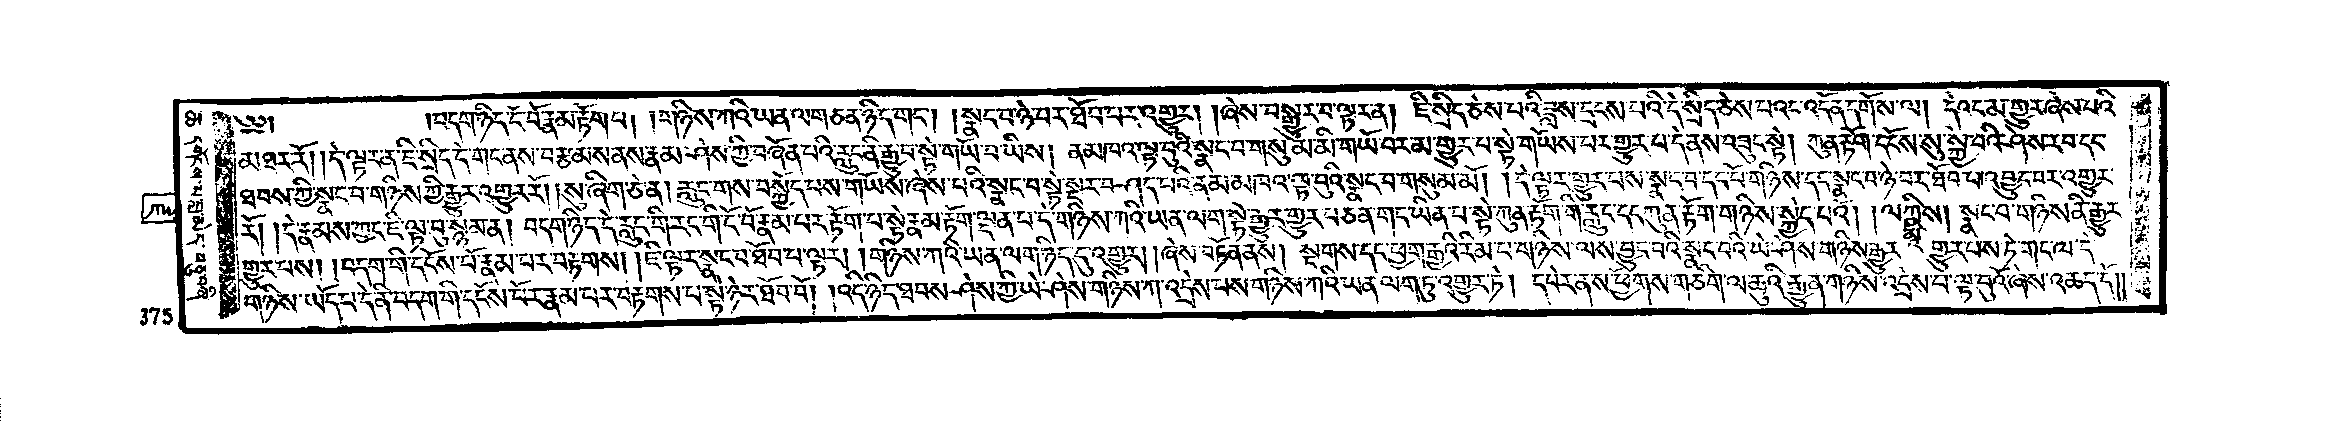༄༅། །བདག་ཉིད་ངོ་བོ་རྣམ་རྟོག་པ། །གཉིས་ཀའི་ཡན་ལག་ཅན་ཉིད་གང་། །སྣང་བ་ཉེ་བར་ཐོབ་པར་འགྱུར། །ཞེས་བསྒྱུར་བ་ལྟར་ན། ཇི་སྲིད་ཅེས་པའི་ཟླས་དྲངས་པའི་དེ་སྲིད་ཅེས་པའང་འདོན་དགོས་ལ། དེའང་མ་གྱུར་ཞེས་པའི་
མཐར་རོ། །དེ་ལྟར་ན་ཇི་སྲིད་དེ་གང་ནས་བརྩམས་ནས་རྣམ་ཤེས་ཀྱི་བཞོན་པའི་རླུང་ནི་རྒྱུ་བ་སྟེ་གཡོ་བ་ཡིས། ནམ་མཁའ་ལྟ་བུའི་སྣང་བ་གསུམ་མི་གཡོ་བར་མ་གྱུར་པ་སྟེ་གཡོས་པར་གྱུར་པ་དེ་ནས་བཟུང་སྟེ། ཀུན་རྟོག་དངོས་སུ་སྐྱེ་བའི་ཤེས་རབ་དང་
ཐབས་ཀྱི་སྣང་བ་གཉིས་ཀྱི་རྒྱུར་འགྱུར་རོ། །སུ་ཞིག་ཅེ་ན། རླུང་གིས་བསྐྱོད་པས་གཡོས་ཞེས་པའི་སྣང་བ་སྟེ་སྔར་བཤད་པའི་ནམ་མཁའ་ལྟ་བུའི་སྣང་བ་གསུམ་མོ། །དེ་ལྟར་གྱུར་པས་སྣང་བ་དང་པོ་གཉིས་དང་སྣང་བ་ཉེ་བར་ཐོབ་པ་འབྱུང་བར་འགྱུར་
རོ། །དེ་རྣམས་ཀྱང་ཇི་ལྟ་བུ་སྙམ་ན། བདག་ཉིད་དེ་རླུང་གི་རང་གི་ངོ་བོ་རྣམ་པར་རྟོག་པ་སྟེ་རྣམ་རྟོག་ལྡན་པ་དེ་གཉིས་ཀའི་ཡན་ལག་སྟེ་རྒྱུར་གྱུར་པ་ཅན་གང་ཡིན་པ་སྟེ་ཀུན་རྟོག་གི་རླུང་དང་ཀུན་རྟོག་གཉིས་སྐྱེད་པའོ། །ལཀྵྨཱིས། སྣང་བ་གཉིས་ནི་རྒྱུར་
གྱུར་པས། །བདག་གི་དངོས་པོ་རྣམ་པར་བརྟགས། །ཇི་ལྟར་སྣང་བ་ཐོབ་པ་ལྟར། །གཉིས་ཀའི་ཡན་ལག་ཉིད་དུ་འགྱུར། །ཞེས་བཏོན་ནས། སྔགས་དང་ཕྱག་རྒྱའི་རིམ་པ་གཉིས་ལས་བྱུང་བའི་སྣང་བའི་ཡེ་ཤེས་གཉིས་རྒྱུར་གྱུར་པས་ཏེ་གང་ལ་དེ་
གཉིས་ཡོད་པ་དེ་ནི་བདག་གི་དངོས་པོར་རྣམ་པར་བརྟགས་པ་སྟེ་ཉེར་ཐོབ་བོ། །འདི་ཉིད་ཐབས་ཤེས་ཀྱི་ཡེ་ཤེས་གཉིས་ཀ་འདྲེས་པས་གཉིས་ཀའི་ཡན་ལག་ཏུ་འགྱུར་ཏེ། དཔེར་ན་ས་ཕྱོགས་གཅིག་ལ་ཆུའི་རྒྱུན་གཉིས་འདྲེས་པ་ལྟ་བུའོ་ཞེས་འཆད་དོ།།